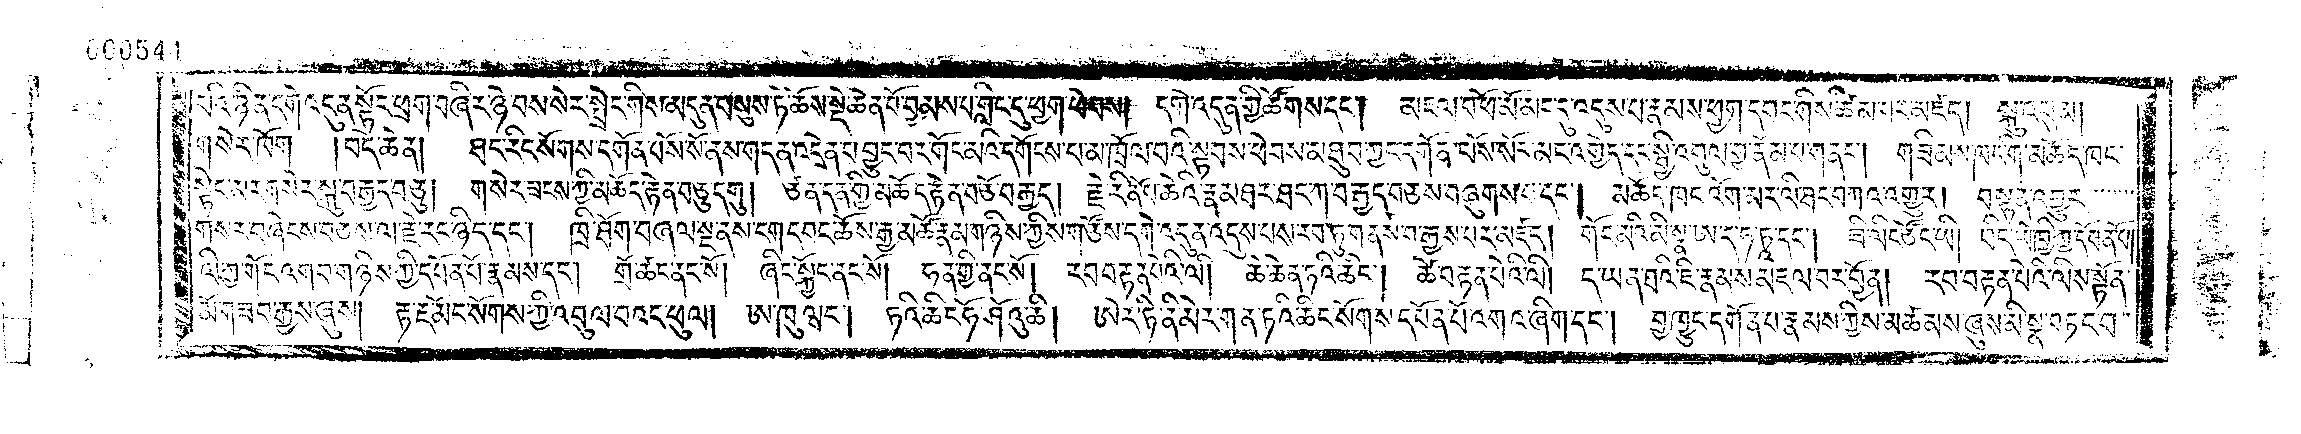པའི་ཉིན་དགེ་འདུན་སྟོང་ཕྲག་བཞིར་ཉེ་བས་སེར་སྦྲེང་གིས་མདུན་བསུས་ཏེ་ཆོས་སྡེ་ཆེན་པོ་བྱམས་པ་གླིང་དུ་ཕྱག་ཕེབས། དགེ་འདུན་གྱི་ཚོགས་དང་། མཇལ་བ་ཕོ་མོ་མང་དུ་འདུས་པ་རྣམས་ཕྱག་དབང་གིས་ཚིམ་པར་མཛད། སྐུ་འབུམ།
གསེར་ཁོག །བདེ་ཆེན། ཐང་རིང་སོགས་དགོན་པ་སོ་སོ་ནས་གདན་འདྲེན་པ་བྱུང་བར་གོང་མའི་དགོངས་པ་མ་ཁྲོལ་བའི་སྟབས་ཕེབས་མ་ཐུབ་ཀྱང་དགོན་པ་སོ་སོར་མང་འགྱེད་དང་སྤྱི་འབུལ་གྱ་ནོམ་པ་གནང་། གཟིམས་ཁང་གི་མཆོད་ཁང་
སྟེང་མར་གསེར་སྐུ་བརྒྱད་བཅུ། གསེར་ཟངས་ཀྱི་མཆོད་རྟེན་བཅུ་དགུ། ཙན་དན་གྱི་མཆོད་རྟེན་བཅོ་བརྒྱད། རྗེ་རིན་པོ་ཆེའི་རྣམ་ཐར་ཐང་ཀ་བརྒྱད་བཅས་བཞུགས་པ་དང་། མཆོད་ཁང་འོག་མར་ལི་ཐང་བཀའ་འགྱུར། བསྟན་འགྱུར་
གསར་བཞེངས་བཅས་ལ་རྗེ་རང་ཉིད་དང་། ཁྲི་ཐོག་པ་ཞལ་སྔ་ནས་ངག་དབང་ཆོས་རྒྱ་མཚོ་རྣམ་གཉིས་ཀྱིས་གཙོས་དགེ་འདུན་འདུས་པས་རབ་ཏུ་གནས་པ་རྒྱས་པར་མཛད། གོང་མའི་མི་སྣ་ཨ་ད་ཧ་ཏཱ་དང་། ཟི་ལིང་ཙོང་ཡེ། བིང་ཡེ་ཁྱི་ཀྱ་དཔོན་པོ།
ལི་ཀྱ་གོང་འགབ་གཉིས་ཀྱི་དཔོན་པོ་རྣམས་དང་། གྲོ་ཚང་ནང་སོ། ཞིང་སྐྱོང་ནང་སོ། ཧན་གྱི་ནང་སོ། རབ་བརྟན་པེའི་ལི། ཆེ་ཆེན་ཏའི་ཆིང་། ཚེ་བརྟན་པེའི་ལི། ད་ཡན་ཐའི་ཇི་རྣམས་མཇལ་བར་བྱོན། རབ་བརྟན་པེའི་ལིས་སྟོན་
མོ་གཟབ་རྒྱས་ཞུས། རྟ་རྔ་མོང་སོགས་ཀྱི་འབུལ་བའང་ཕུལ། ཨ་ཁུ་ཝང་། ཏའི་ཆིང་ཧོ་ཤོའུ་ཆི། ཨེར་ཏི་ནི་མེར་གན་ཏའི་ཆིང་སོགས་དཔོན་པོ་འགའ་ཞིག་དང་། བྱ་ཁྱུང་དགོན་པ་རྣམས་ཀྱིས་མཚམས་ཞུས་མི་སྣ་བཏང་བ་